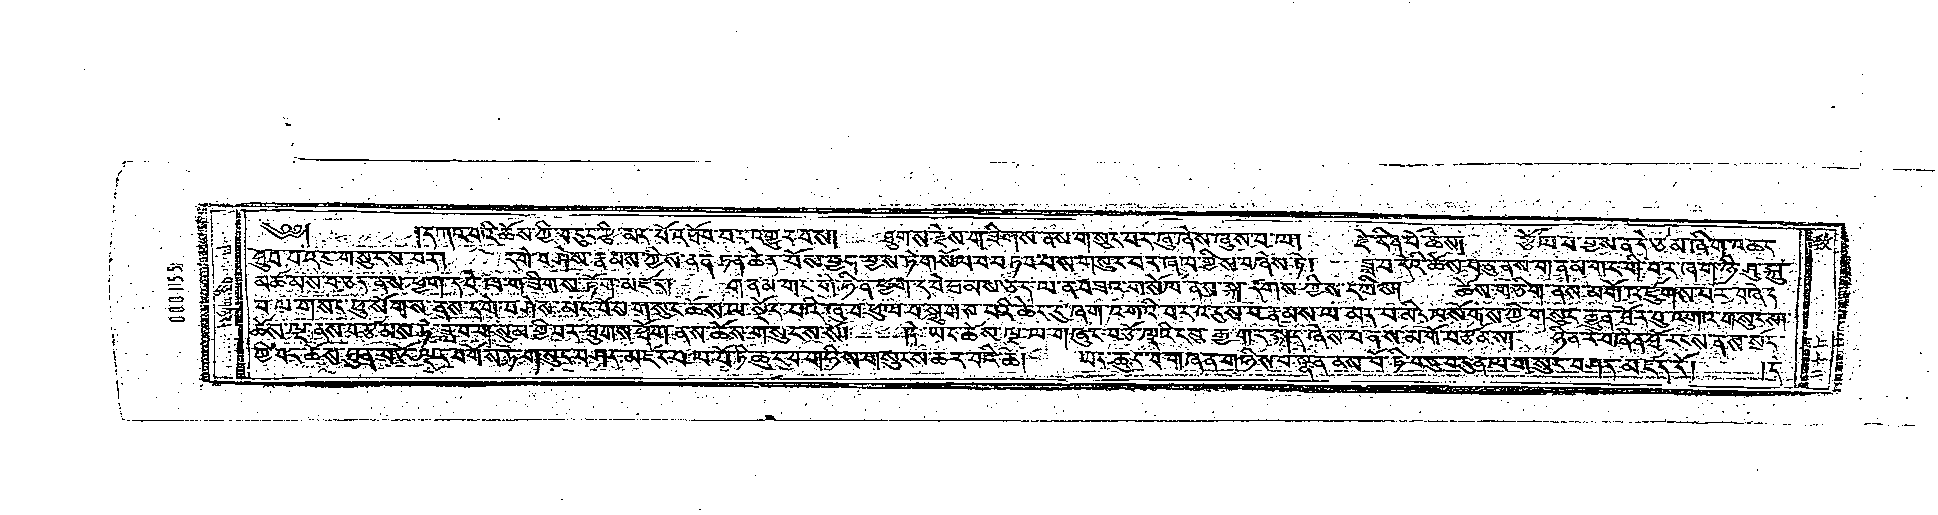༄༅། །དཀའ་བའི་ཆོས་ཀྱི་བདུད་རྩི་མང་པོ་འཐོབ་བར་འགྱུར་བས། ཐུགས་རྗེས་གཟིགས་ནས་གསུང་བར་ཞུ་ཞེས་ཞུས་པ་ལ། རྗེ་རིན་པོ་ཆེས། རྩོལ་བ་བྱས་ན་དེ་ཙམ་ཞིག་འཆང་
ཐུབ་བའང་གསུངས་བར། དགེ་བཤེས་རྣམས་ཀྱིས་ནན་ཏན་ཆེན་པོས་ཕྱག་བྱས་ཏེ་གསོལ་བ་བཏབ་པས་གསུང་བར་ཞལ་གྱིས་བཞེས་ཏེ། ཟླ་བ་དེའི་ཚེས་བཅུ་ནས་གནམ་གང་གི་བར་ཞག་ཉི་ཤུ་སྐུ་
མཚམས་བཅད་ནས་ཕྱག་དཔེ་ལ་གཟིགས་རྟོག་མཛད། གནམ་གང་གི་ཉིན་ཕྱག་དཔེ་ཐམས་ཅད་ལ་ན་བཟའ་གསོལ་ནས་སྐ་རགས་ཀྱིས་དཀྲིས། ཚེས་གཅིག་ནས་མགོ་འཛུགས་པར་བཞེད་
བ་ལ་གསང་ཕུ་སོགས་ནས་དགེ་བཤེས་མང་པོས་གསུང་ཆོས་ལ་སྔོད་པའི་ཞུ་བ་ཕུལ་བ་སྒུགས་པའི་ཆེད་དུ་ཞག་འགའི་བར་འདུས་བ་རྣམས་ལ་མར་བ་མིང་ཁ་སོགས་ཀྱི་གསུང་རྒྱུན་ཐོར་བུ་འགའ་གསུངས།
ཚེས་ལྔ་ནས་བརྩམས་ཏེ་ཟླ་བ་གསུམ་གྱི་བར་ཐུགས་ཐོག་ནས་ཆོས་གསུངས་སོ། །དེ་ཡང་ཚེས་ལྔ་ལ་གཞུང་བཅོ་ལྔའི་དབུ་རྒྱ་གར་སྐད་ཞེས་པ་ནས་མགོ་བརྩམས། ཉིན་རེ་བཞིན་ཐོ་རངས་ནས་སྲོང་
ཀྱི་བར་ཆོས་ཐུན་བཅོ་ལྔར་བགོས་ཏེ་གསུང་བཤད་མཛད་བ་ལ་བོ་ཏི་ཆུང་བ་གཉིས་གསུངས་ཆར་བའི་ཆེ། ཡང་ཆུང་བ་གཞིན་གཉིས་པ་སྣན་ནས་པོ་ཏི་བཅུ་བདུན་ལ་གསུང་བཤད་མཛད་དོ། །དེ་